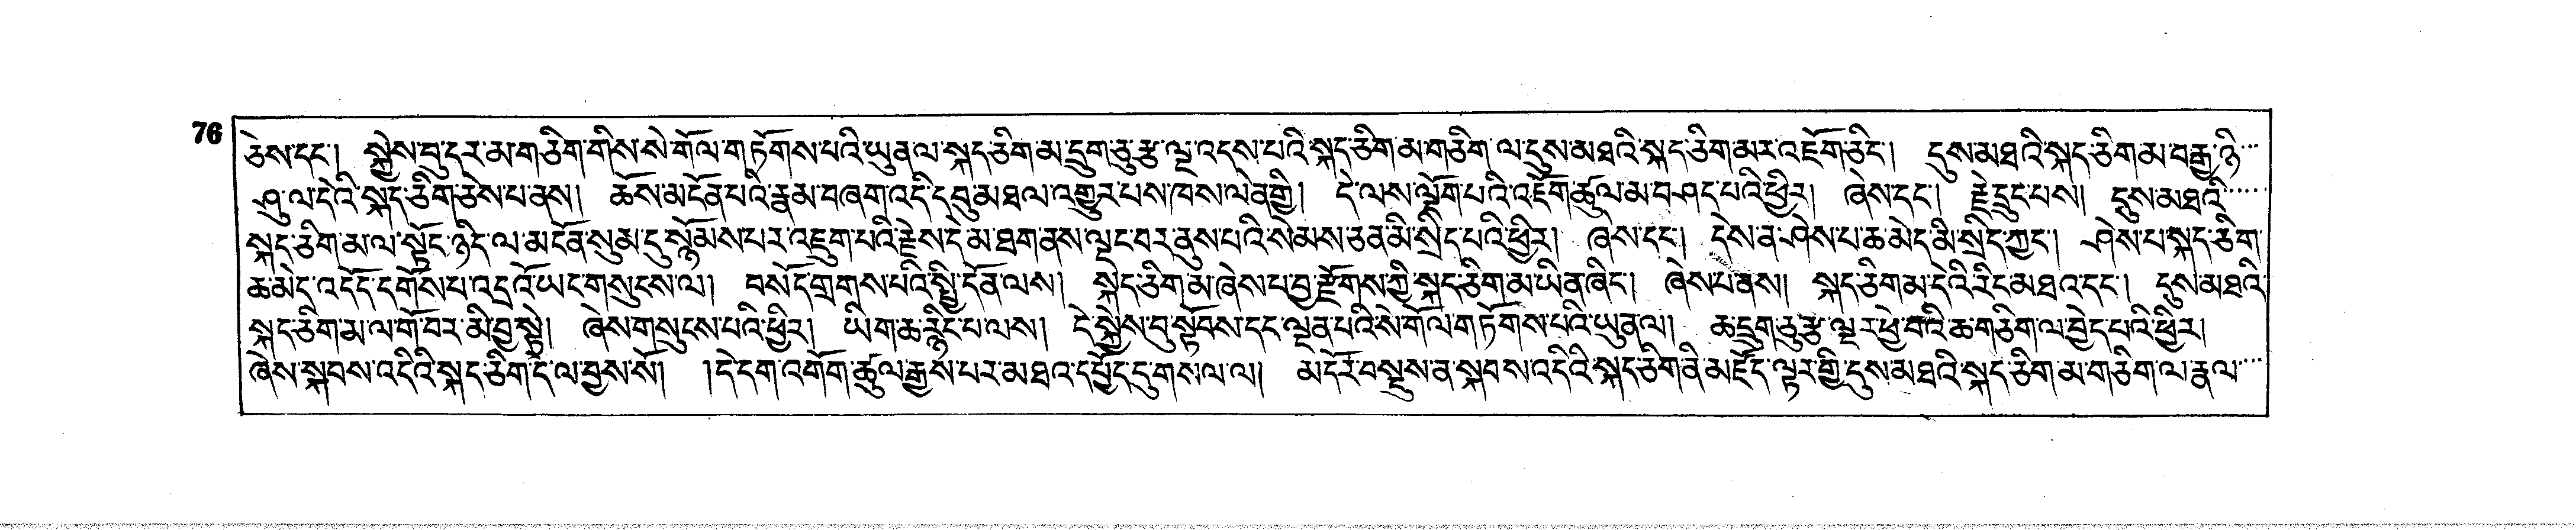ཅེས་དང་། སྐྱེས་བུ་དར་མ་གཅིག་གིས་སེ་གོལ་གཏོགས་པའི་ཡུན་ལ་སྐད་ཅིག་མ་དྲུག་ཅུ་རྩ་ལྔ་འདས་པའི་སྐད་ཅིག་མ་གཅིག་ལ་དུས་མཐའི་སྐད་ཅིག་མར་འཇོག་ཅིང་། དུས་མཐའི་སྐད་ཅིག་མ་བརྒྱ་ཉི་
ཤུ་ལ་དེའི་སྐད་ཅིག་ཅེས་པ་ནས། ཆོས་མངོན་པའི་རྣམ་བཞག་འདི་དབུ་མཐལ་འགྱུར་པས་ཁས་ལེན་གྱི། དེ་ལས་ལྡོག་པའི་འཇོག་ཚུལ་མ་བཤད་པའི་ཕྱིར། ཞེས་དང་། རྗེ་དྲུང་པས། དུས་མཐའི་
སྐད་ཅིག་མ་ལ་སྟོང་ཉིད་ལ་མངོན་སུམ་དུ་སྙོམས་པར་འཇུག་པའི་རྗེས་དེ་མ་ཐག་ནས་ལྡང་བར་ནུས་པའི་སེམས་ཅན་མི་སྲིད་པའི་ཕྱིར། ཞེས་དང་། དེས་ན་ཤེས་པ་ཆ་མེད་མི་སྲིད་ཀྱང་། ཤེས་པ་སྐད་ཅིག་
ཆ་མེད་འདོད་དགོས་པ་འདྲའོ་ཡང་གསུངས་ལ། བསོད་གྲགས་པའི་སྤྱི་དོན་ལས། སྐད་ཅིག་མ་ཞེས་པ་བྱ་རྫོགས་ཀྱི་སྐད་ཅིག་མ་ཡིན་ཞིང་། ཞེས་པ་ནས། སྐད་ཅིག་མ་དེའི་རིང་མཐའ་དང་། དུས་མཐའི་
སྐད་ཅིག་མ་ལ་གོ་བར་མི་བྱ་སྟེ། ཞེས་གསུངས་པའི་ཕྱིར། ཡིག་ཆ་རྙིང་པ་ལས། དེ་སྐྱེས་བུ་སྟོབས་དང་ལྡན་པའི་སེ་གོལ་གཏོགས་པའི་ཡུན་ལ། ཆ་དྲུག་ཅུ་རྩ་ལྔར་ཕྱེ་བའི་ཆ་གཅིག་ལ་བྱེད་པའི་ཕྱིར།
ཞེས་སྐབས་འདིའི་སྐད་ཅིག་དེ་ལ་བྱས་སོ། །དེ་དག་འགོག་ཚུལ་རྒྱས་པར་མཐའ་དཔྱོད་དུ་གསལ་ལ། མདོར་བསྡུས་ན་སྐབས་འདིའི་སྐད་ཅིག་ནི་མཛོད་ལྟར་གྱི་དུས་མཐའི་སྐད་ཅིག་མ་གཅིག་ལ་རྣལ་